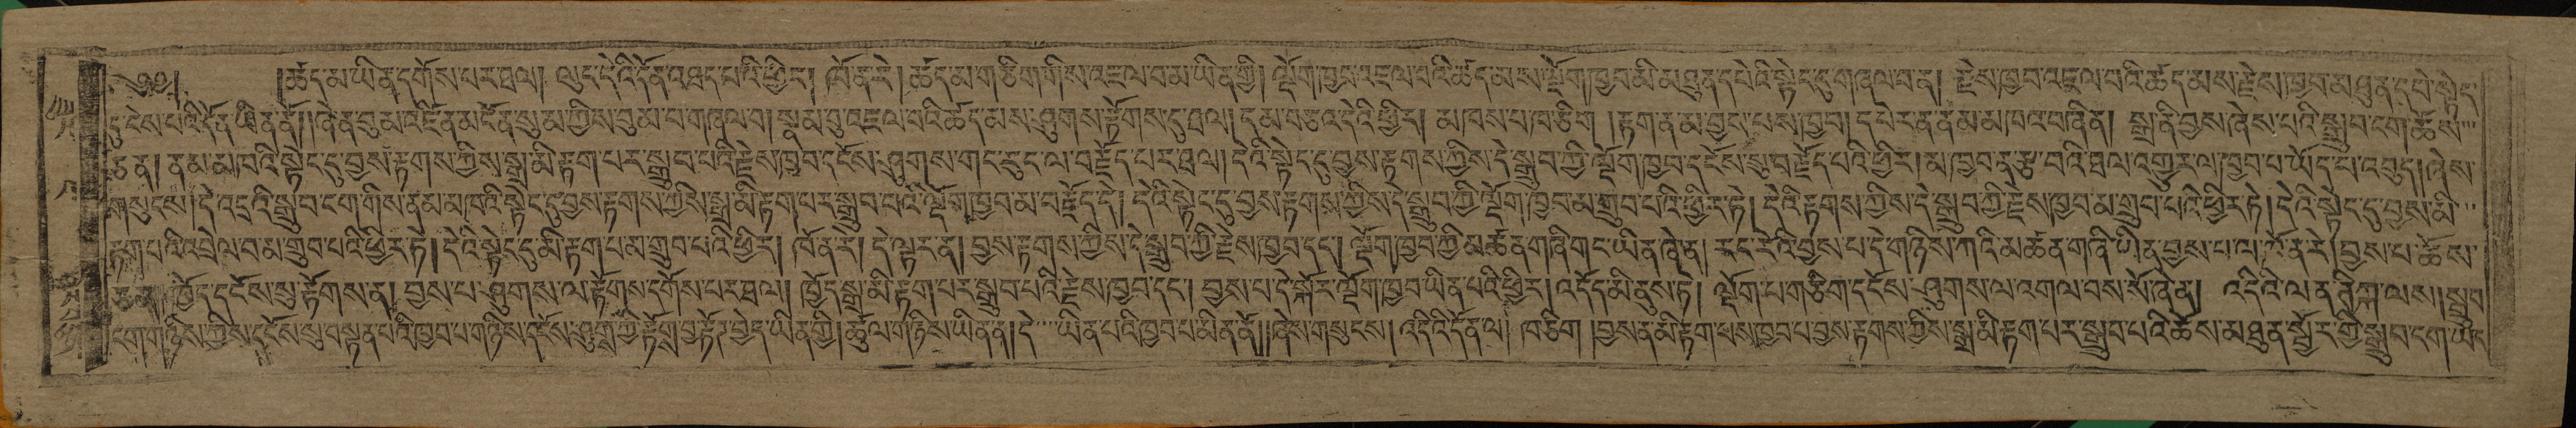༄༅། །ཚད་མ་ཡིན་དགོས་པར་ཐལ། ལུང་དེའི་དོན་འཐད་པའི་ཕྱིར། ཁོ་ན་རེ། ཚད་མ་གཅིག་གིས་འཇལ་བ་མ་ཡིན་གྱི། ལྡོག་ཁྱབ་འཇལ་བའི་ཚད་མས་ལྡོག་ཁྱབ་མི་མཐུན་དཔེའི་སྟེང་དུ་གཞལ་བ་ན། རྗེས་ཁྱབ་འཇལ་བའི་ཚད་མས་རྗེས་ཁྱབ་མཐུན་དཔེ་སྟེང་
དུ་ངེས་པའི་དོན་ཡིན་ནོ། །ཞེ་ན་བུམ་འཛིན་མངོན་སུམ་ཀྱིས་བུམ་པ་གཞལ་བ། སྣམ་བུ་འཇལ་བའི་ཚད་མས་ཤུགས་རྟོགས་དུ་ཐལ། དམ་བཅའ་དེའི་ཕྱིར། མཁས་པ་ཁ་ཅིག །རྟག་ན་མ་བྱས་པས་ཁྱབ། དཔེར་ན་ནམ་མཁའ་བཞིན། སྒྲ་ནི་བྱས་ཞེས་པའི་སྒྲུབ་ངག་ཆོས་
ཅན། ནམ་མཁའི་སྟེང་དུ་བྱས་རྟགས་ཀྱིས་སྒྲ་མི་རྟག་པར་སྒྲུབ་པའི་རྗེས་ཁྱབ་དངོས་ཤུགས་གང་རུང་ལ་བརྗོད་པར་ཐལ། དེའི་སྟེང་དུ་བྱས་རྟགས་ཀྱིས་དེ་སྒྲུབ་ཀྱི་ལྡོག་ཁྱབ་དངོས་སུ་བརྗོད་པའི་ཕྱིར། མ་ཁྱབ་ན་རྩ་བའི་ཐལ་འགྱུར་ལ་ཁྱབ་པ་ཡོད་པ་འབུད། ཞེས་
གསུངས། དེ་འདྲའི་སྒྲུབ་ངག་གིས་ནམ་མཁའི་སྟེང་དུ་བྱས་རྟགས་ཀྱིས་སྒྲ་མི་རྟག་པར་སྒྲུབ་པའི་ལྡོག་ཁྱབ་མ་བརྗོད་དེ། དེའི་སྟེང་དུ་བྱས་རྟགས་ཀྱིས་དེ་སྒྲུབ་ཀྱི་ལྡོག་ཁྱབ་མ་གྲུབ་པའི་ཕྱིར་ཏེ། དེའི་རྟགས་ཀྱིས་དེ་སྒྲུབ་ཀྱི་རྗེས་ཁྱབ་མ་གྲུབ་པའི་ཕྱིར་ཏེ། དེའི་སྟེང་དུ་བྱས་མི་
རྟག་པའི་འབྲེལ་བ་མ་གྲུབ་པའི་ཕྱིར་ཏེ། དེའི་སྟེང་དུ་མི་རྟག་པ་མ་གྲུབ་པའི་ཕྱིར། ཁོ་ན་རེ། དེ་ལྟར་ན། བྱས་རྟགས་ཀྱིས་དེ་སྒྲུབ་ཀྱི་རྗེས་ཁྱབ་དང་། ལྡོག་ཁྱབ་ཀྱི་མཚན་གཞི་གང་ཡིན་ཞེ་ན། རང་རེའི་བྱས་པ་དེ་གཉིས་ཀའི་མཚན་གཞི་ཡིན་བྱས་པ་ལ་ཁོ་ན་རེ། བྱས་པ་ཆོས་
ཅན། ཁྱོད་དངོས་སུ་རྟོགས་ན། བྱས་པ་ཤུགས་ལ་རྟོགས་དགོས་པར་ཐལ། ཁྱོད་སྒྲ་མི་རྟག་པར་སྒྲུབ་པའི་རྗེས་ཁྱབ་དང་། བྱས་པ་དེ་སྐོར་ལྡོག་ཁྱབ་ཡིན་པའི་ཕྱིར། འདོད་མི་ནུས་ཏེ། ལྡོག་པ་གཅིག་དངོས་ཤུགས་ལ་འགལ་བས་སོ་ཞེ་ན། འདིའི་ལན་ཊིཀྐ་ལས། སྒྲུབ་
ངག་གཉིས་ཀྱིས་དངོས་སུ་བསྟན་པའི་ཁྱབ་པ་གཉིས་དངོས་ཤུགས་ཀྱི་རྟོགས་བྱ་རྟོགས་བྱེད་ཡིན་གྱི། ཚུལ་གཉིས་ཡིན་ན། དེ་ཡིན་པའི་ཁྱབ་པ་མིན་ནོ། །ཞེས་གསུངས། འདིའི་དོན་ལ། ཁ་ཅིག །བྱས་ན་མི་རྟག་པས་ཁྱབ་པ་བྱས་རྟགས་ཀྱིས་སྒྲ་མི་རྟག་པར་སྒྲུབ་པའི་ཆོས་མཐུན་སྦྱོར་གྱི་སྒྲུབ་ངག་ཡང་